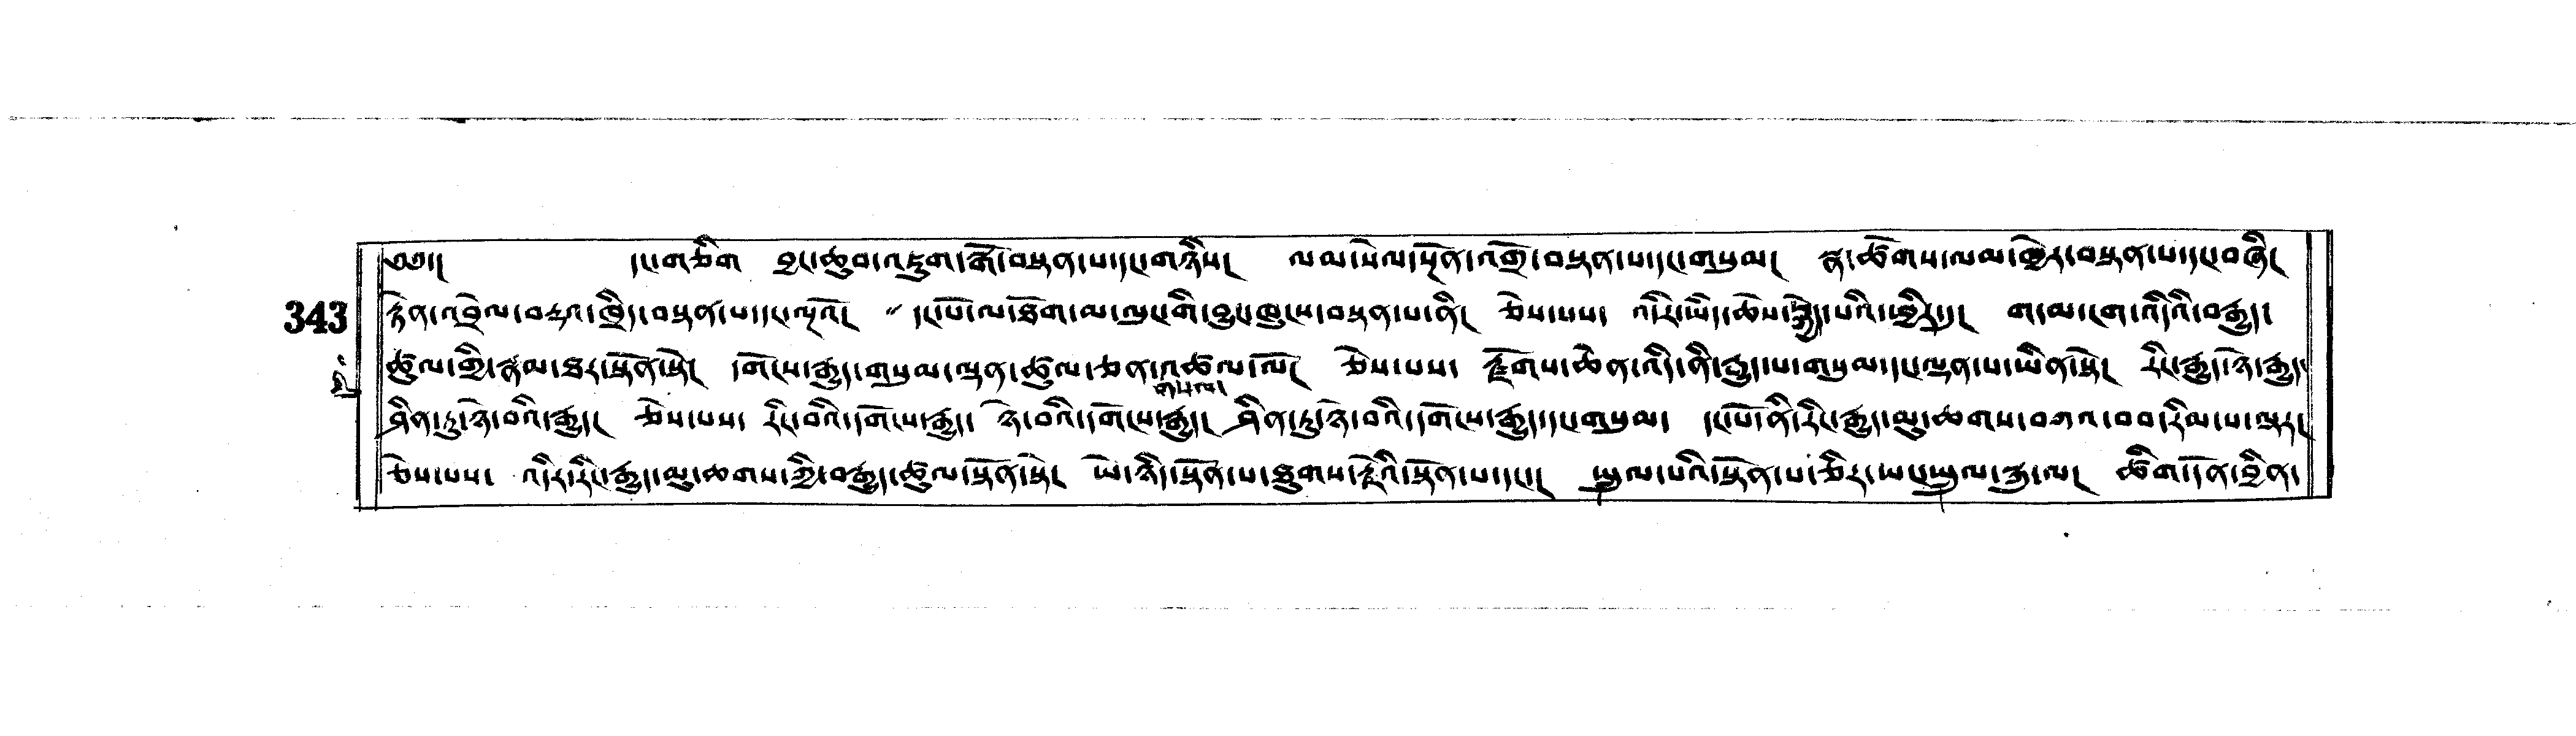དང་གཅིག བྱང་ཆུབ་འཇུག་སྒོ་བསྟན་པ་དང་གཉིས། ལམ་སེལ་སྔོན་འགྲོ་བསྟན་པ་དང་གསུམ། སྣ་ཚོགས་ལམ་ཁྱེར་བསྟན་པ་དང་བཞི། 
རྟེན་འབྲེལ་བརྡ་ཁྲིད་བསྟན་པ་དང་ལྔའོ། ༧ དང་པོ་ལ་ཐོག་མ་ལུང་གི་བྱུང་ཁུངས་བསྟན་པ་ནི། ཅེས་པས་འདིར་ཡིད་ཆེས་སྐྱེད་པའི་ཕྱིར་དུ་གདམས་ངག་འདིའི་རྒྱུད་
ཚུལ་གྱི་རྣམ་ཐར་སྟོན་ཏེ། དགོངས་རྒྱུད་གསུམ་ལྡན་ཚུལ་ཅན་གསལ་འཚལ་ལོ། ཅེས་པས་རྫོགས་ཆེན་འདི་ནི་རྒྱུད་པ་གསུམ་དང་ལྡན་པ་ཡིན་ཏེ། རིང་རྒྱུད་ཉེ་རྒྱུད་
ཤིན་ཏུ་ཉེ་བའི་རྒྱུད། ཅེས་པས། རིང་བའི་དགོངས་རྒྱུད་ཉེ་བའི་དགོངས་རྒྱུད་ཤིན་ཏུ་ཉེ་བའི་དགོངས་རྒྱུད་དང་གསུམ། དང་པོ་ནི་རིང་རྒྱུད་མུ་ཆགས་བཀའ་བབས་རིམ་པ་ལྟར། 
ཅེས་པས་འདིར་རིང་རྒྱུད་མུ་ཆགས་ཀྱི་བརྒྱུད་ཚུལ་སྟོན་ཏེ། ཡེ་ཉིད་སྟོན་པ་ཐུགས་རྗེའི་སྟོན་པ་དང་། སྤྲུལ་པའི་སྟོན་པ་ཅིར་ཡང་སྤྲུལ་སྐུ་ལ། ཚིག་དོན་བྱིན་